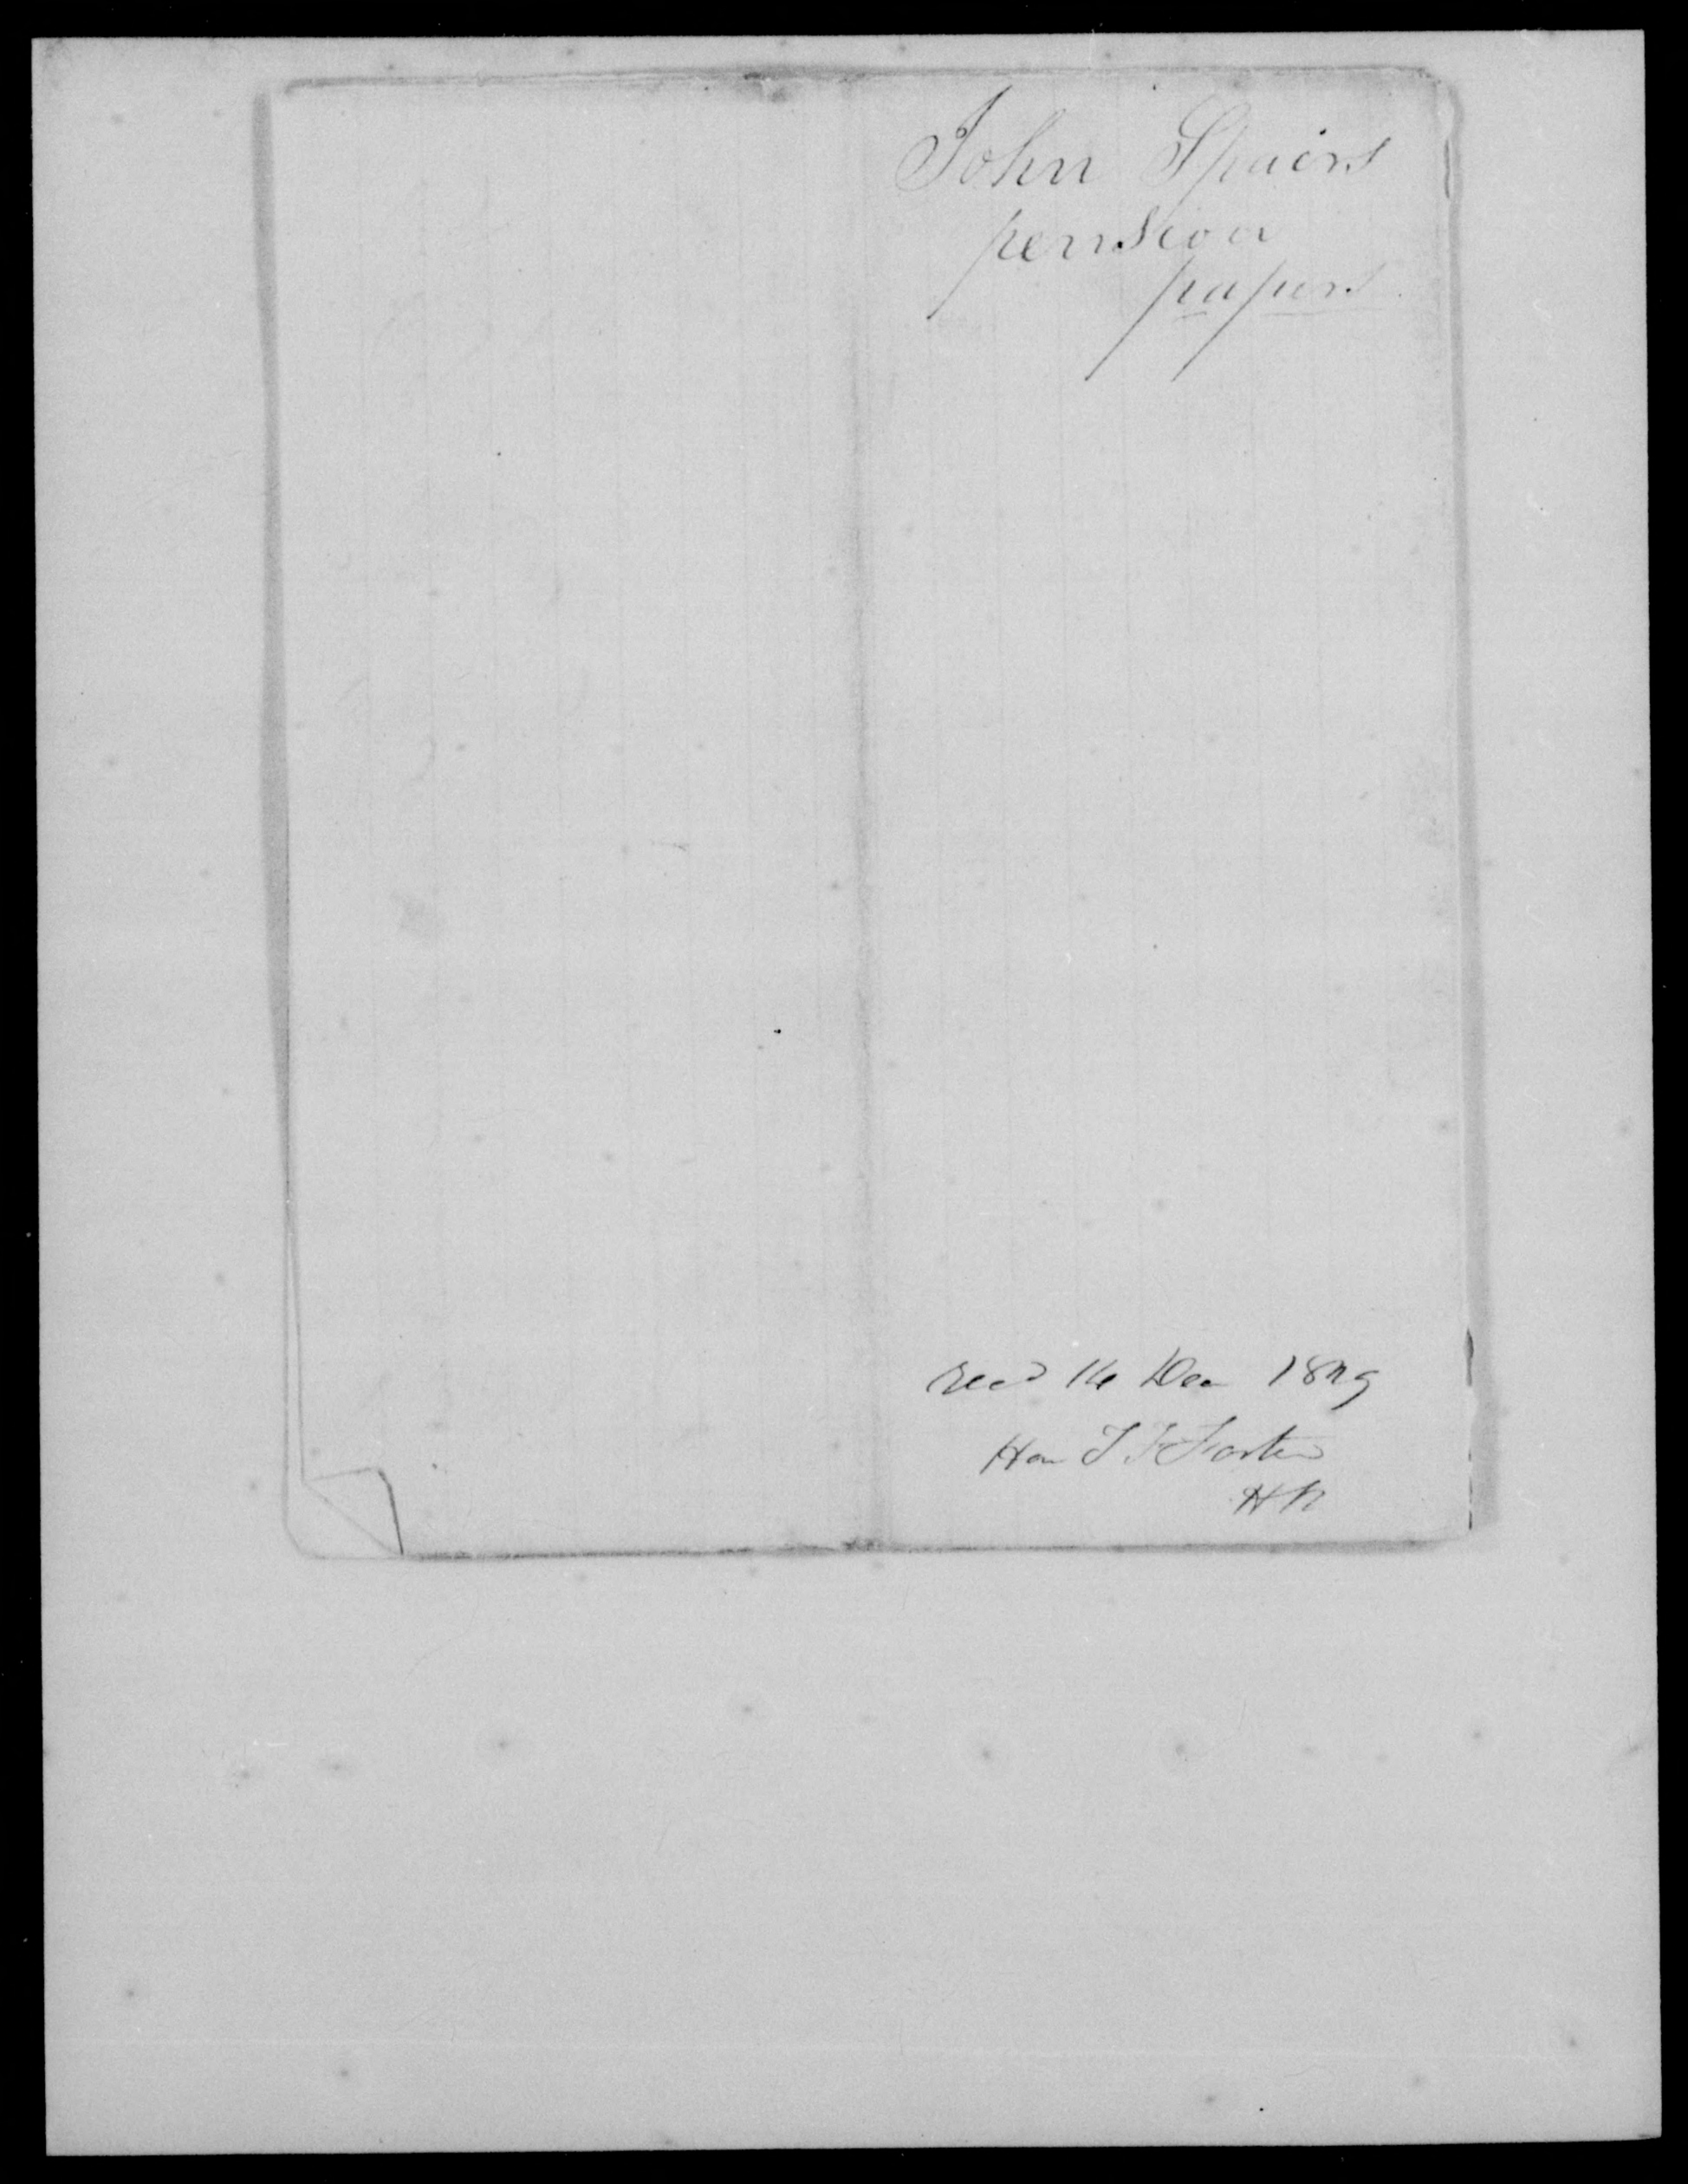John Spairs [Spears]
pension papers

recd 14 Dec 1929
Hon T. F. Foster
HR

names: T F Forte; John Spaer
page: 8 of 12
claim: survivor's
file: S. 39851, for John Spears, Virginia